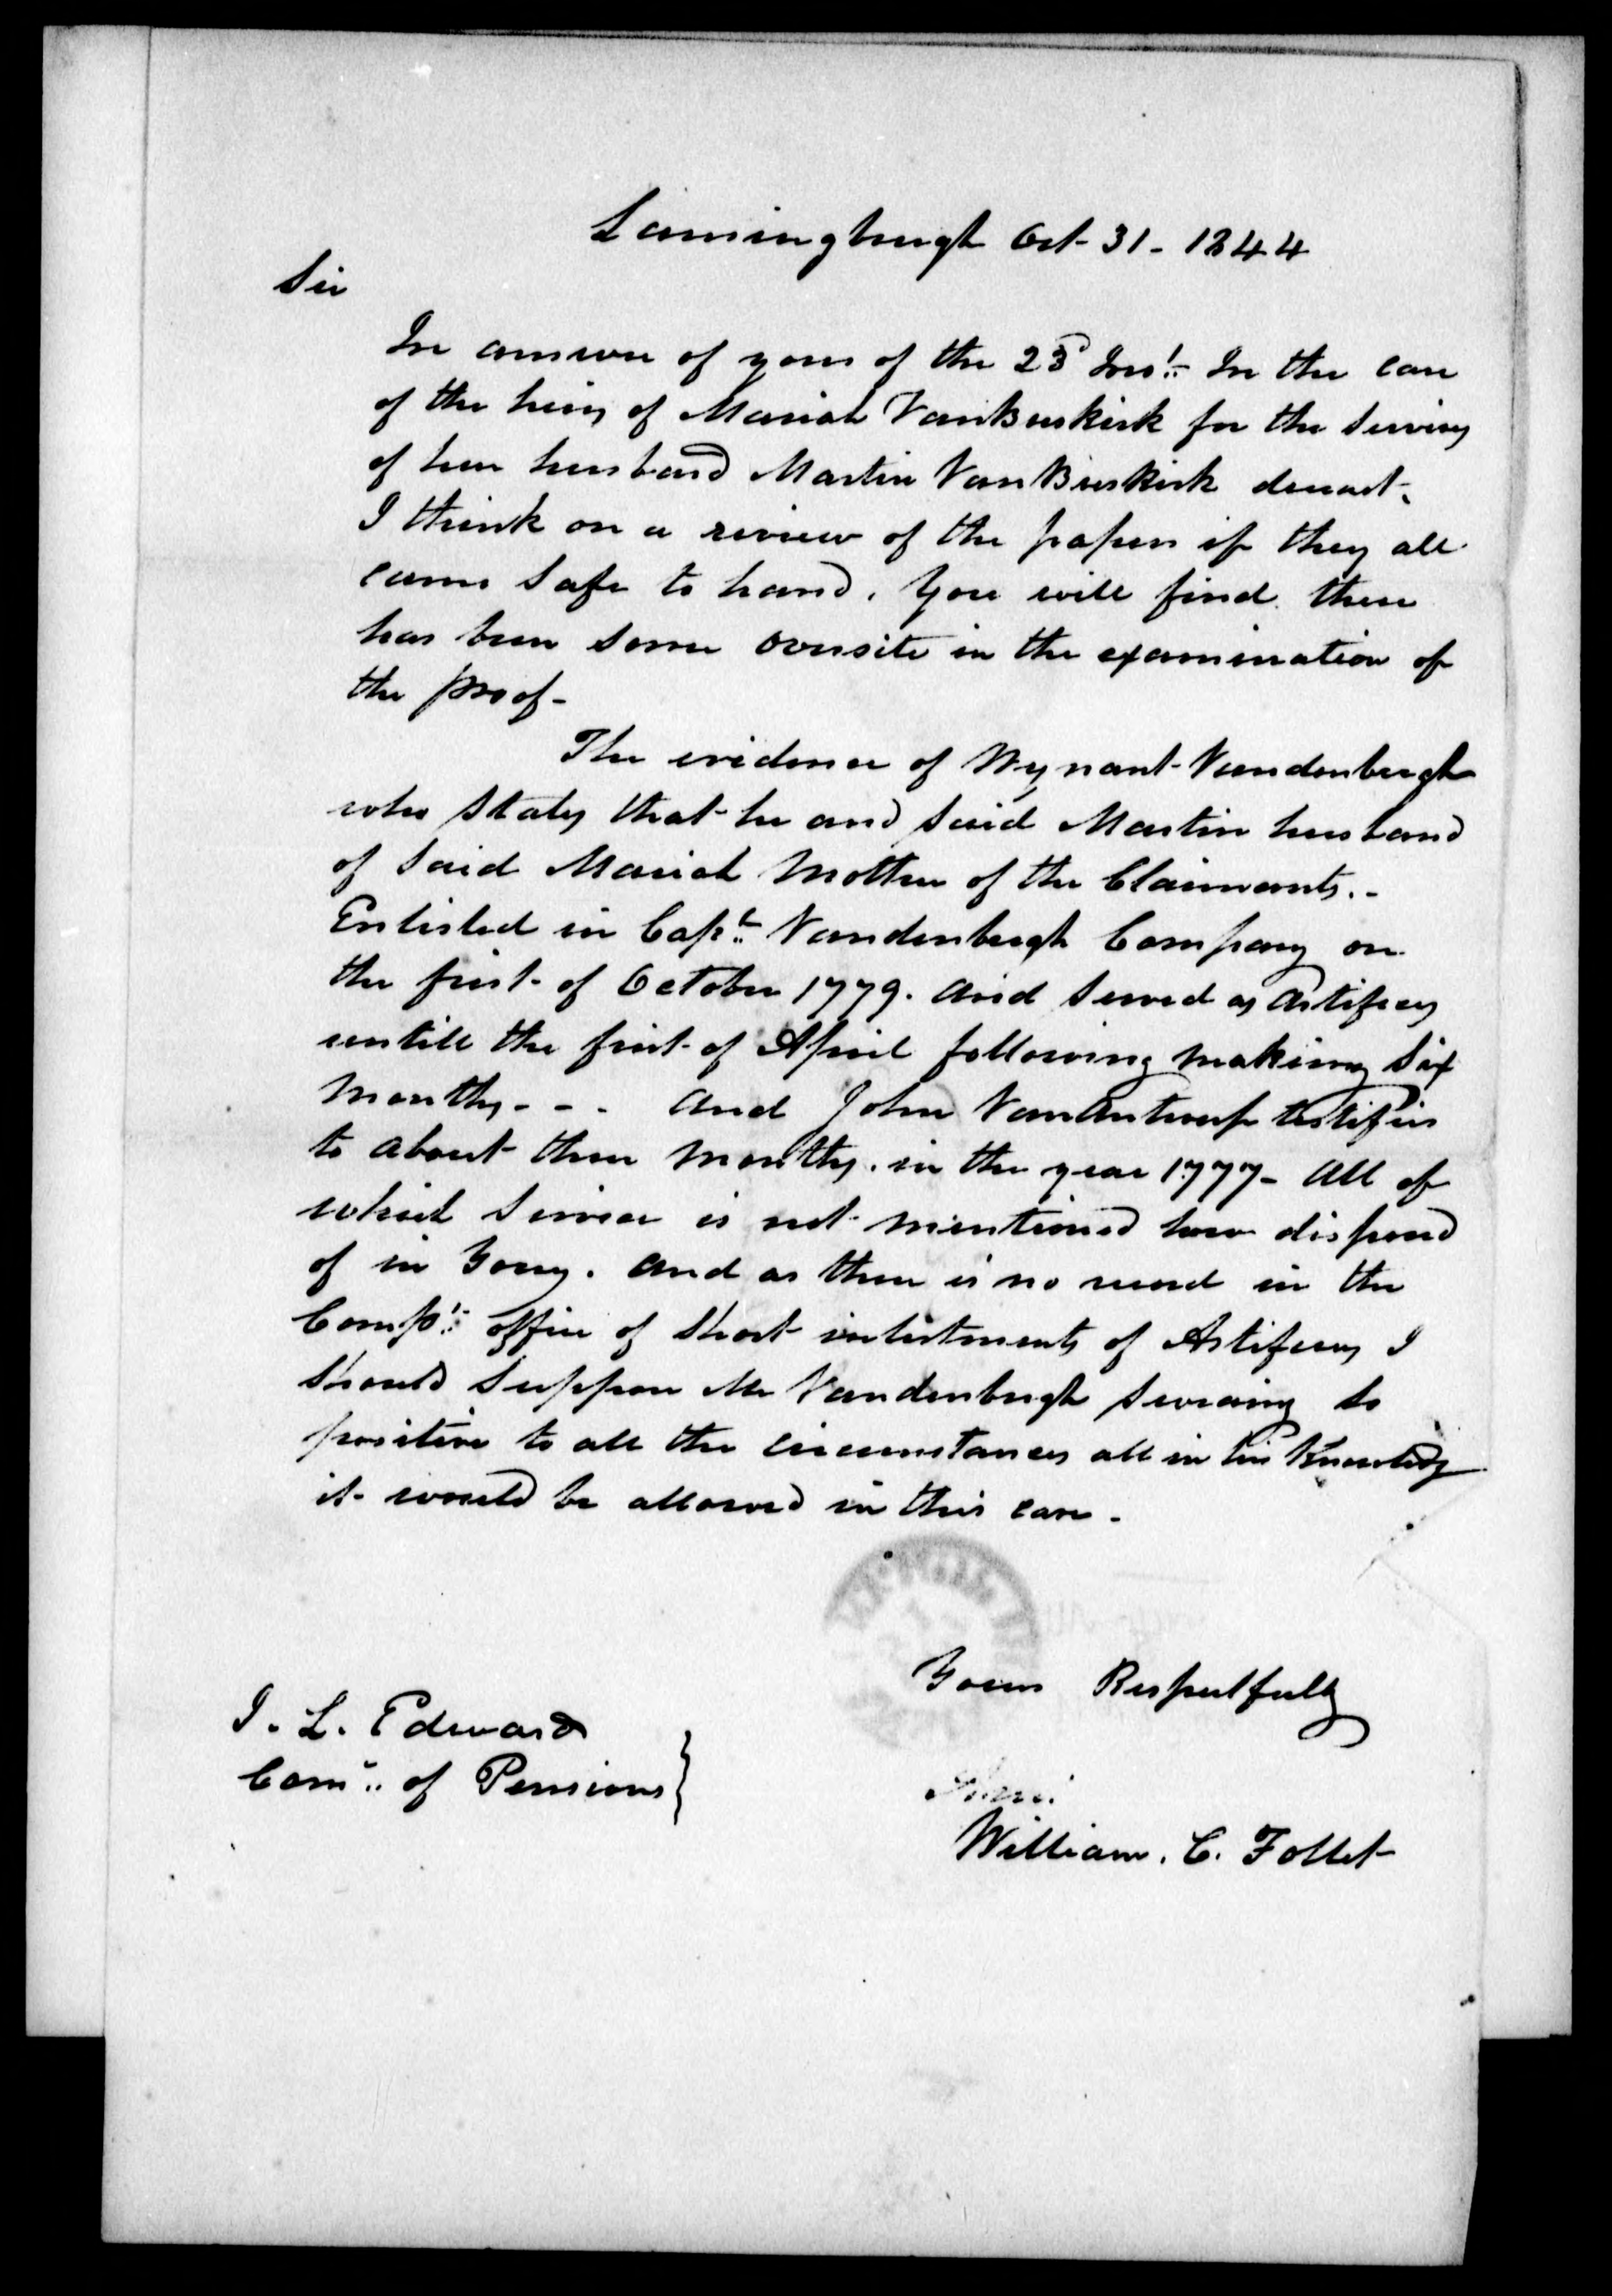Lansingburgh Oct. 31. 1844

Sir
In answer of yours of the 23d Inst In the case of the heirs of Mariah Van Buskirk for the services of her husband Martin Van Buskirk deceast [deceased], I think on a review of the papers if they all came safe to hand. You will find there has been some oversite in the examination of the proof.

The evidence of Wynant Vandenbergh who states that he and said Martin husband of said Mariah Mother of the Claimants. - Enlisted in Capt. Vandenburgh Company on the first of October 1779. and served as Artificers untill the first of April following making six months - - - and John Vanantwerp testifies to about ten months in the year 1777 - all of which service is not mentioned was disproved of in [?ory?], and as there is no record in the Compt office of short inlistments of Artificers I Should Suppose Mr Vanderburgh serving so positive to all the circumstances all in his knowledge
it would be allowed in this case.
Yours Respectfully
Justice William. C. Follet [signature]

J. L. Edward
Comr of Pensions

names: Martin, William C Follet, Wynant Vandenbergh, Mariah, Vandenbergh, Martin Van Buskirk, John Vanantwerp, J L Edwards, Mariah Van Buskirk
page: 60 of 70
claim: rejected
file: R. 10,832, Martin Van Buskirk, New York.